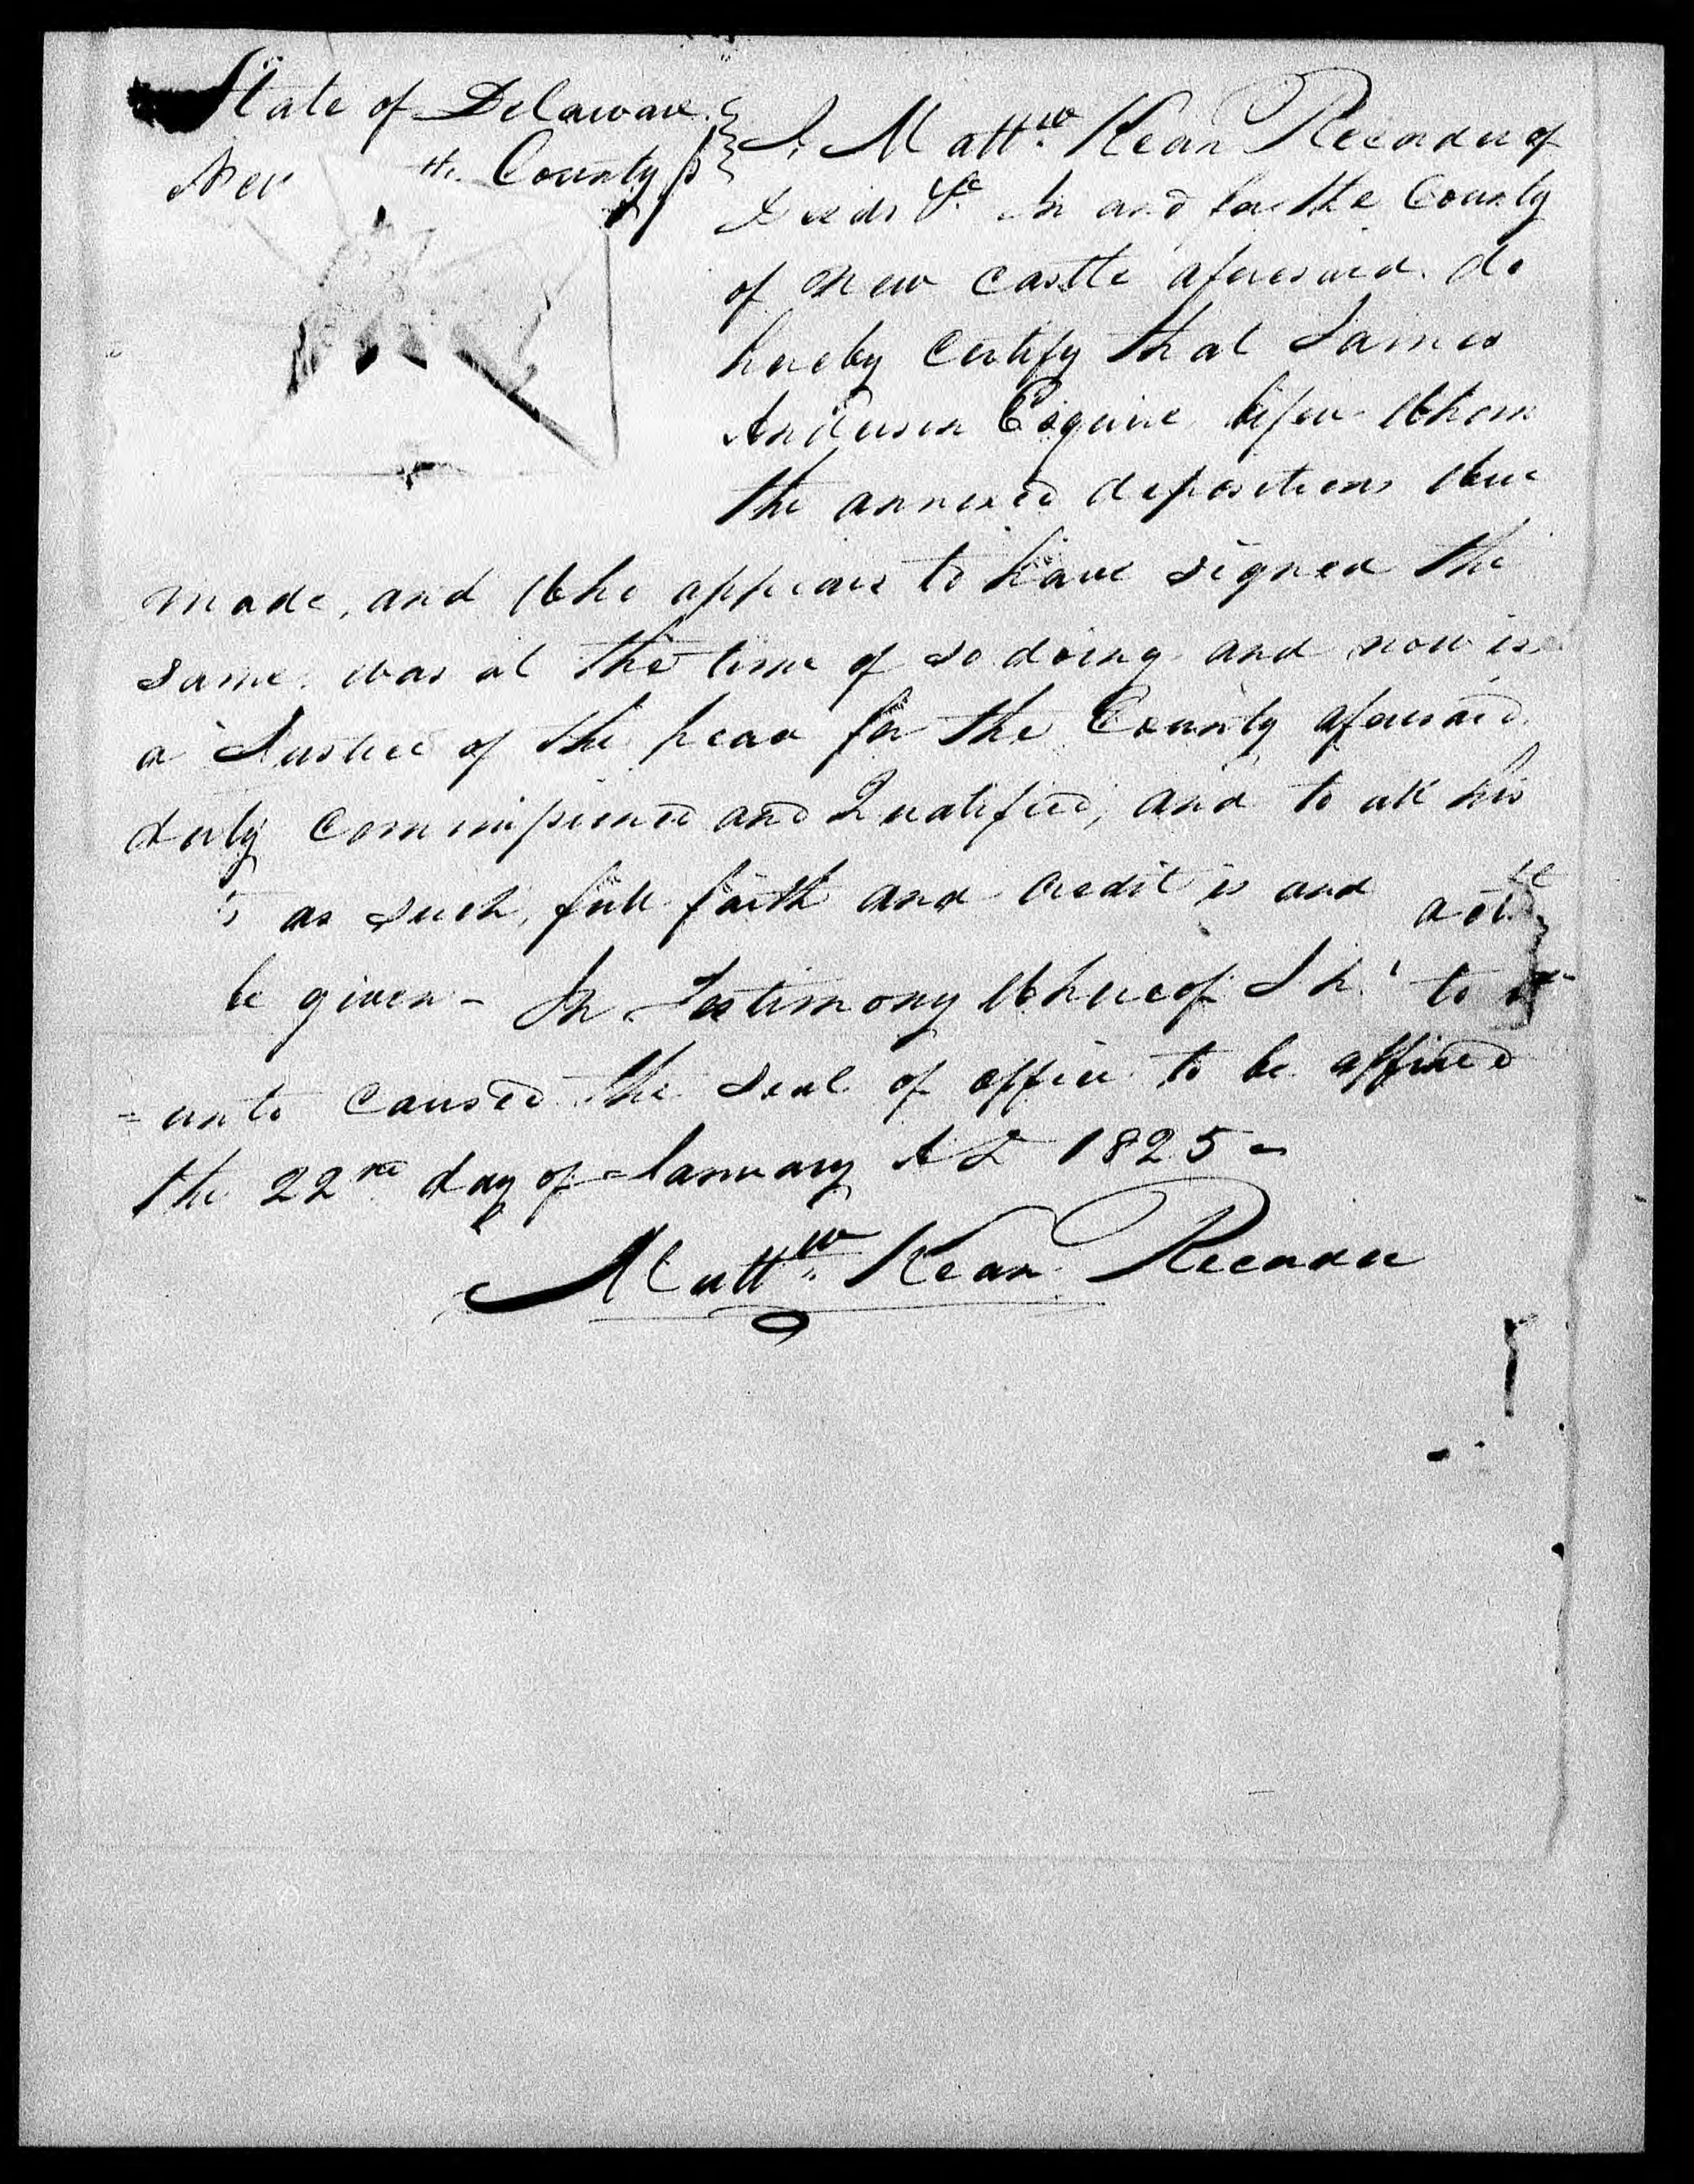State of Delaware
New [Castle] County
I, Matthew Kean Recorder of
Deeds in and for the County
of New Castle aforesaid do
hereby certify that James
Anderson Esquire before whom
the annexed depositions were
made, and [illegible] appears to have signed the same, was at the time of so doing and now is
a Justice of the peace for the County aforesaid,
duly commissioned and qualified, and to all his
[illegible] as such, full faith and credit is and [illegible]
[illegible] be given - In Testimony whereof I [illegible]
unto caused the seal of office to be affixed
the 22nd day of January AD 1825 -
Matthew Kean Recorder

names: James Anderson; Mattew Kean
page: 6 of 20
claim: bounty land warrant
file: B. L. Wt. 1102-300, for Robert Kirkwood, Delaware